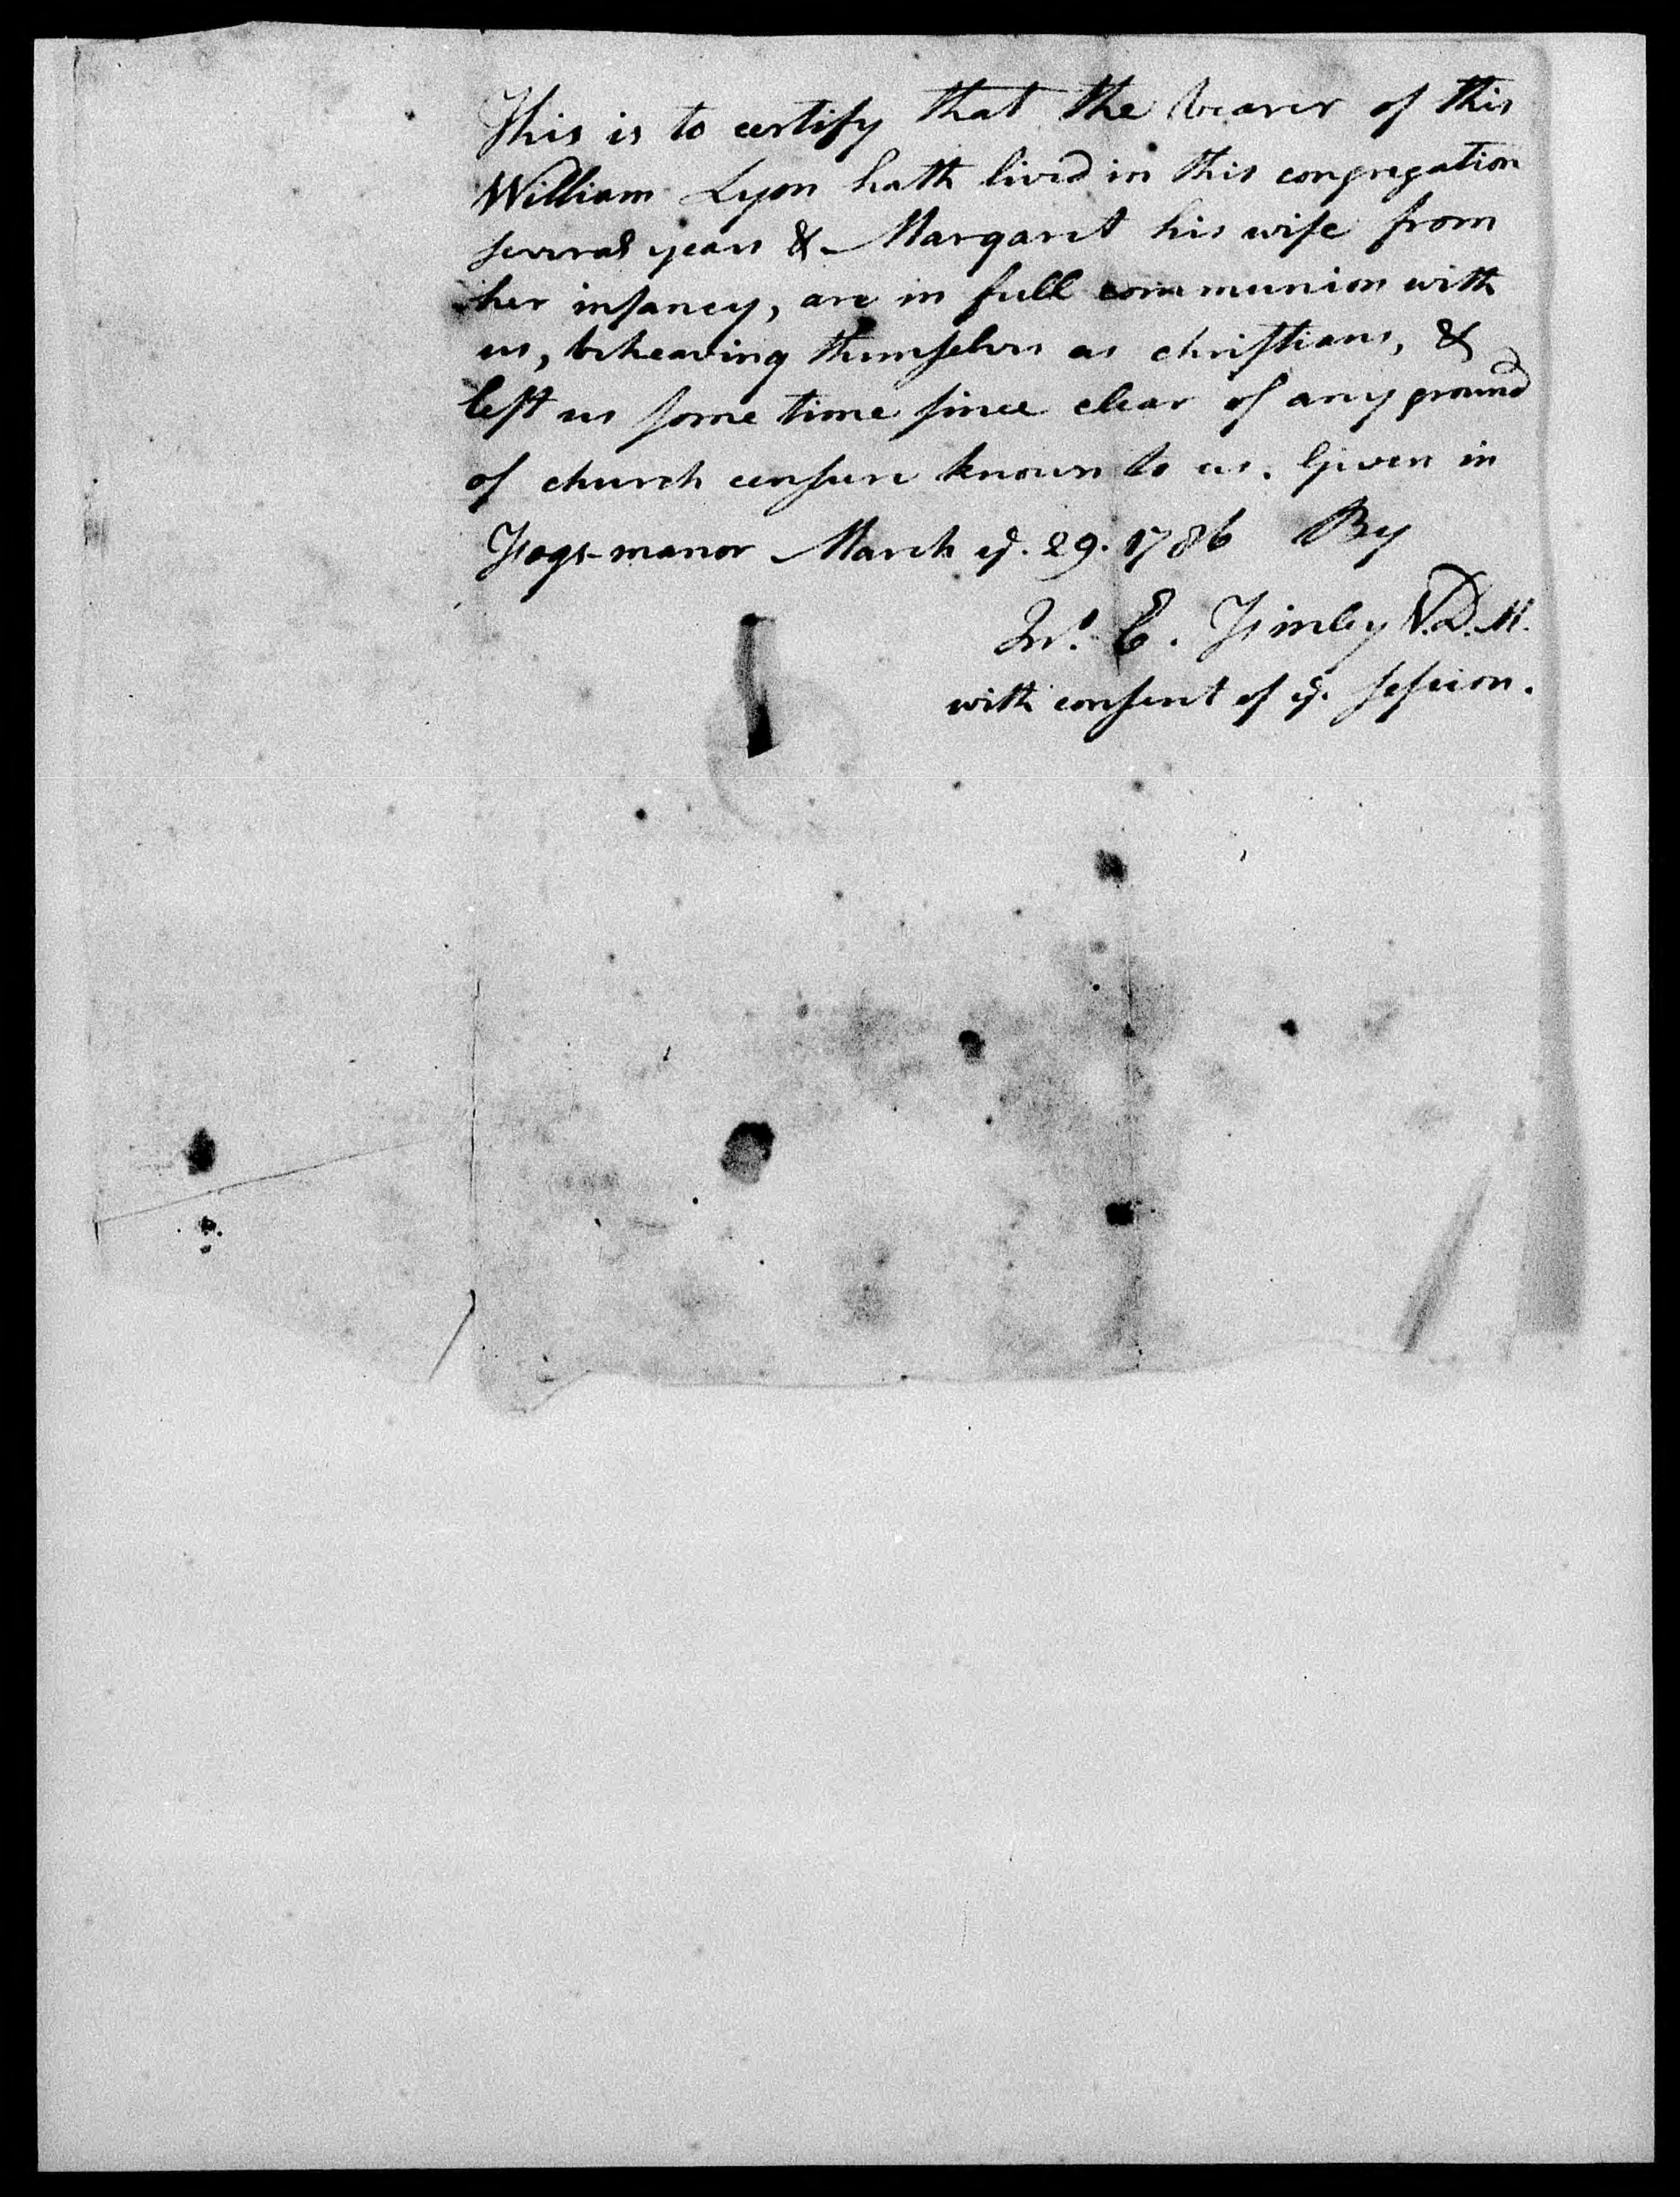This is to certify that the (unreadable) of this William Lyon hath lived in this congregation several years and Margarew his wife from her infancy, are in full communion with us behaving themselves as Christians, and left us sometime since clear of any ground of church (unreadable) know to us, given in CJogs manor March 1786 By
Wm E Timley NDM
with consent of G. Session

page: 5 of 41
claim: survivor's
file: S. 4585, for William Lyons, Pennsylvania